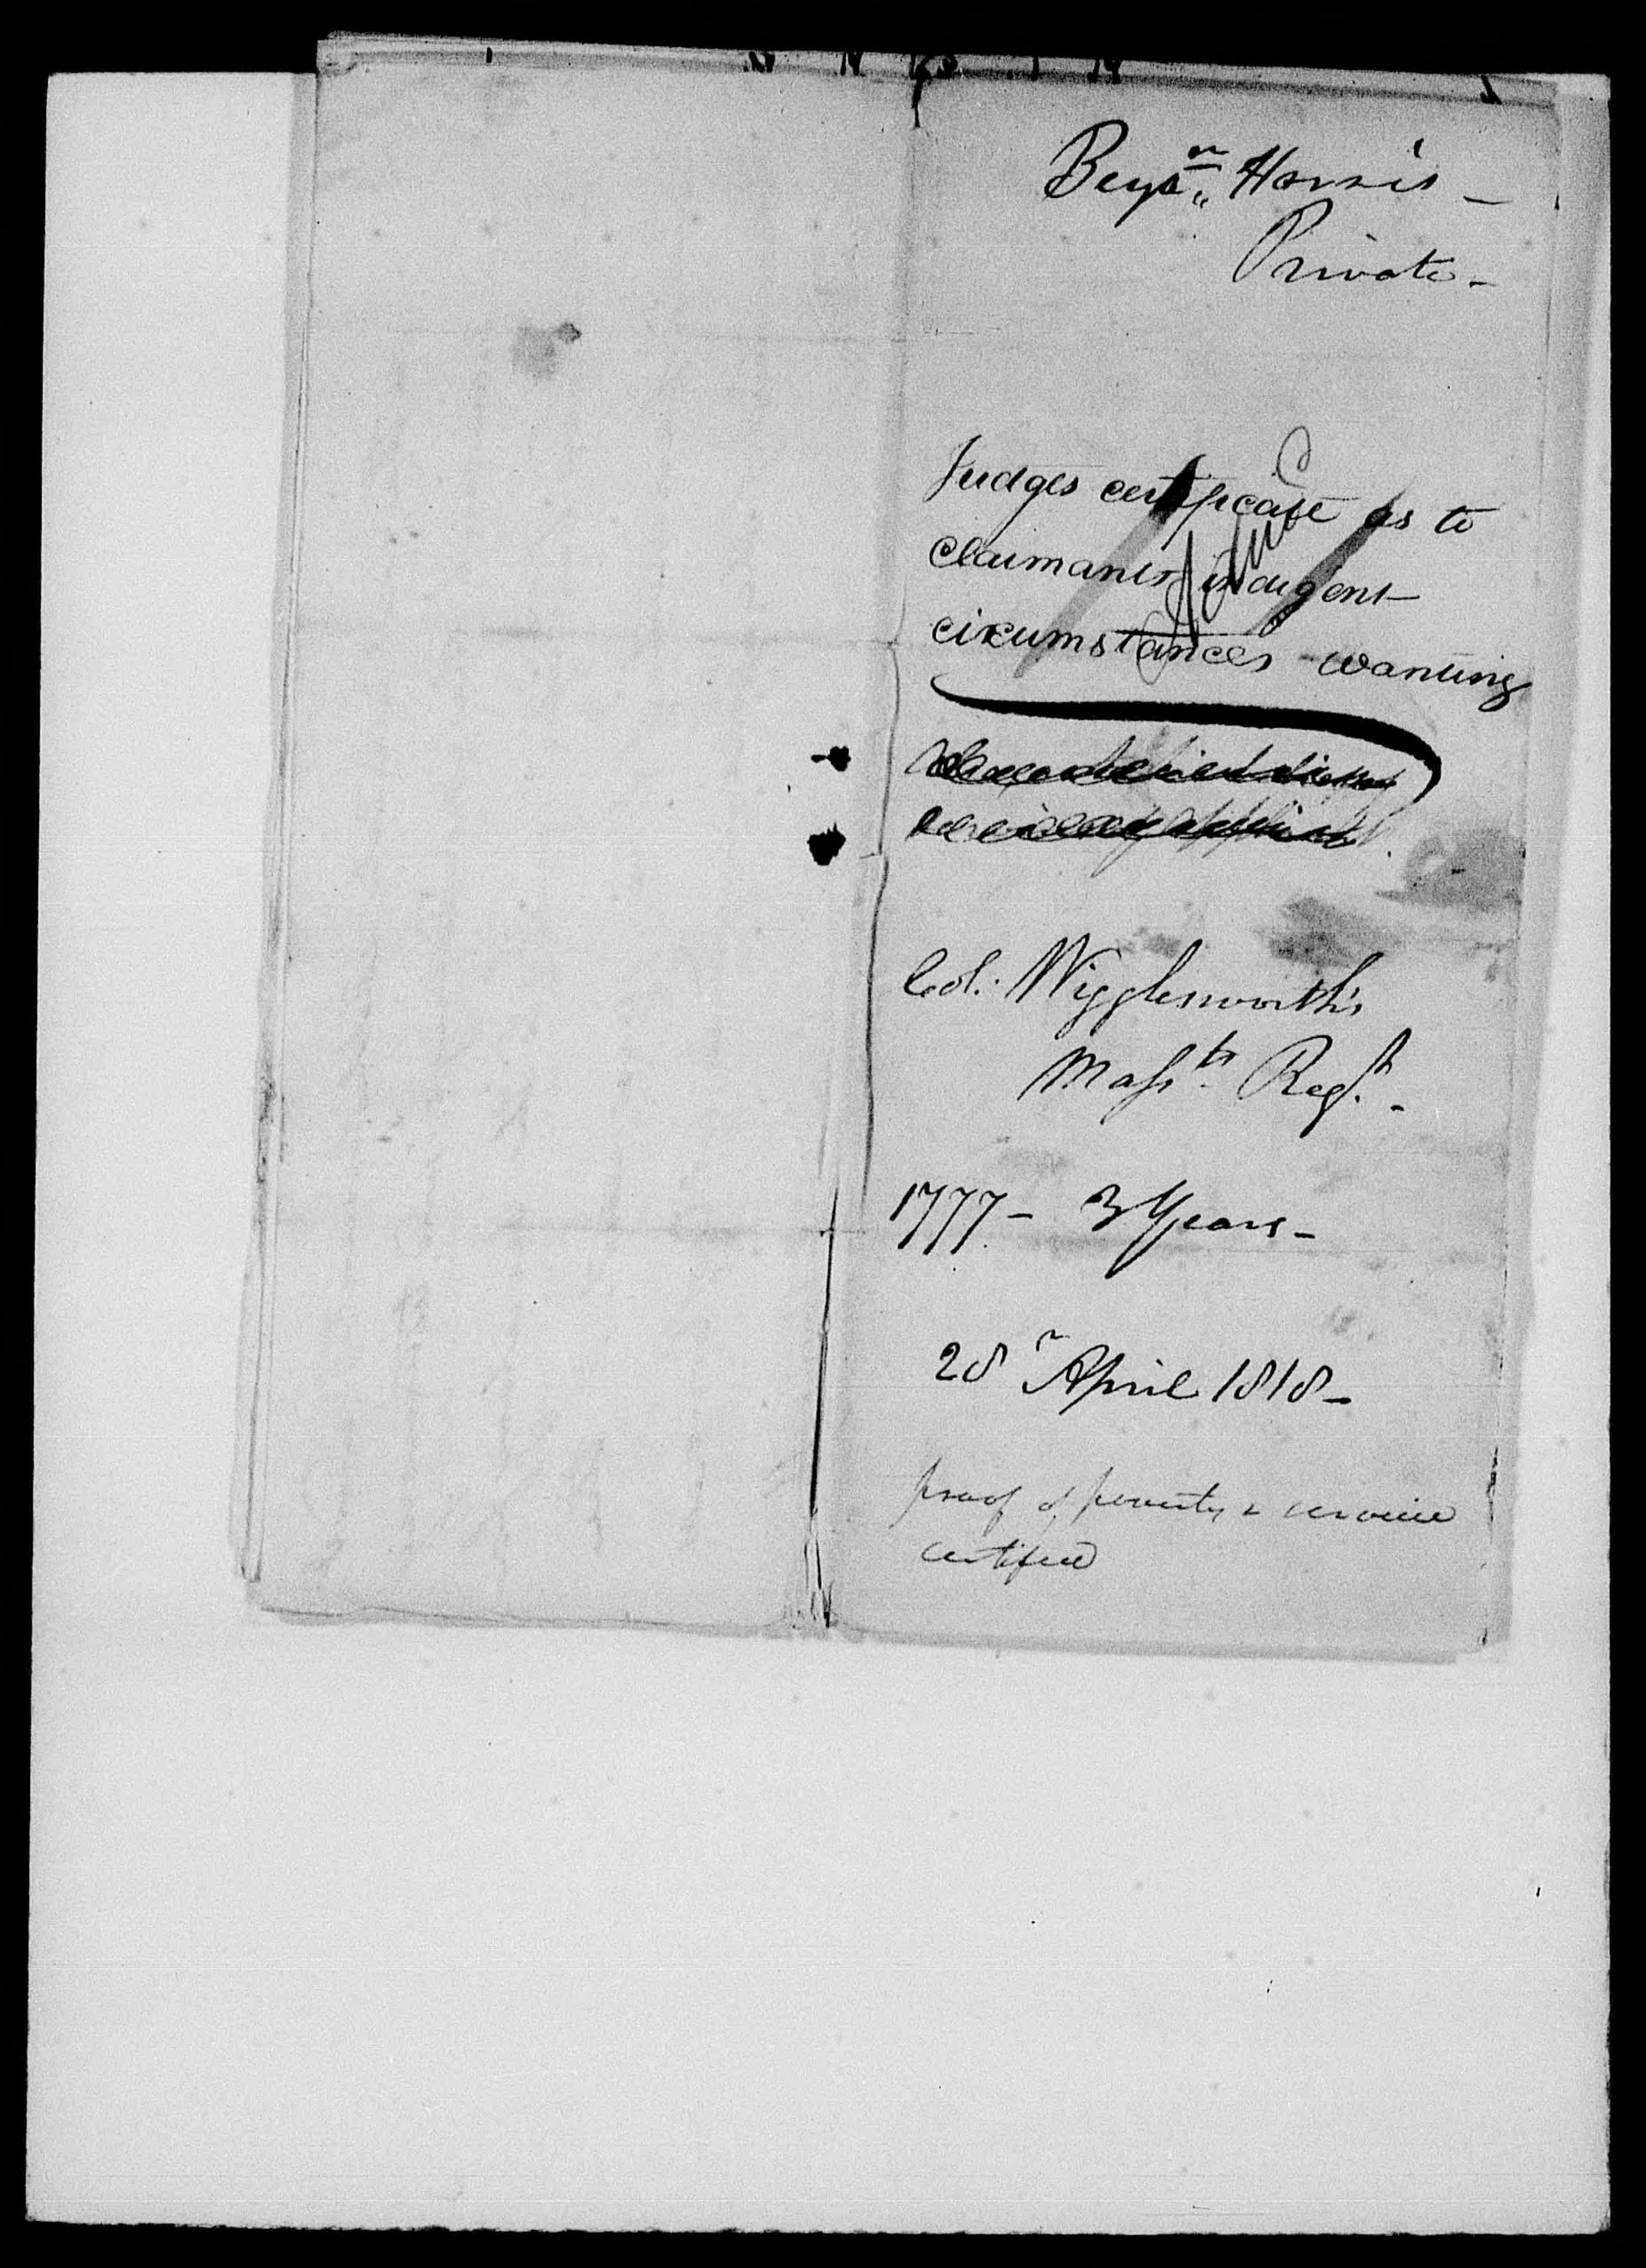Benj'n Harris
Private-

Judges certificate as to
claimants indigent
circumstances wanting

Col. Wigglesworth
Mass'ts Reg't

1777-3 years-

20 April 1818
proof of poverty &service
Certified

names: Wigglesworth, Benjan Harris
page: 3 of 62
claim: survivor's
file: S. 38816, Benjamin Harris, Mass.